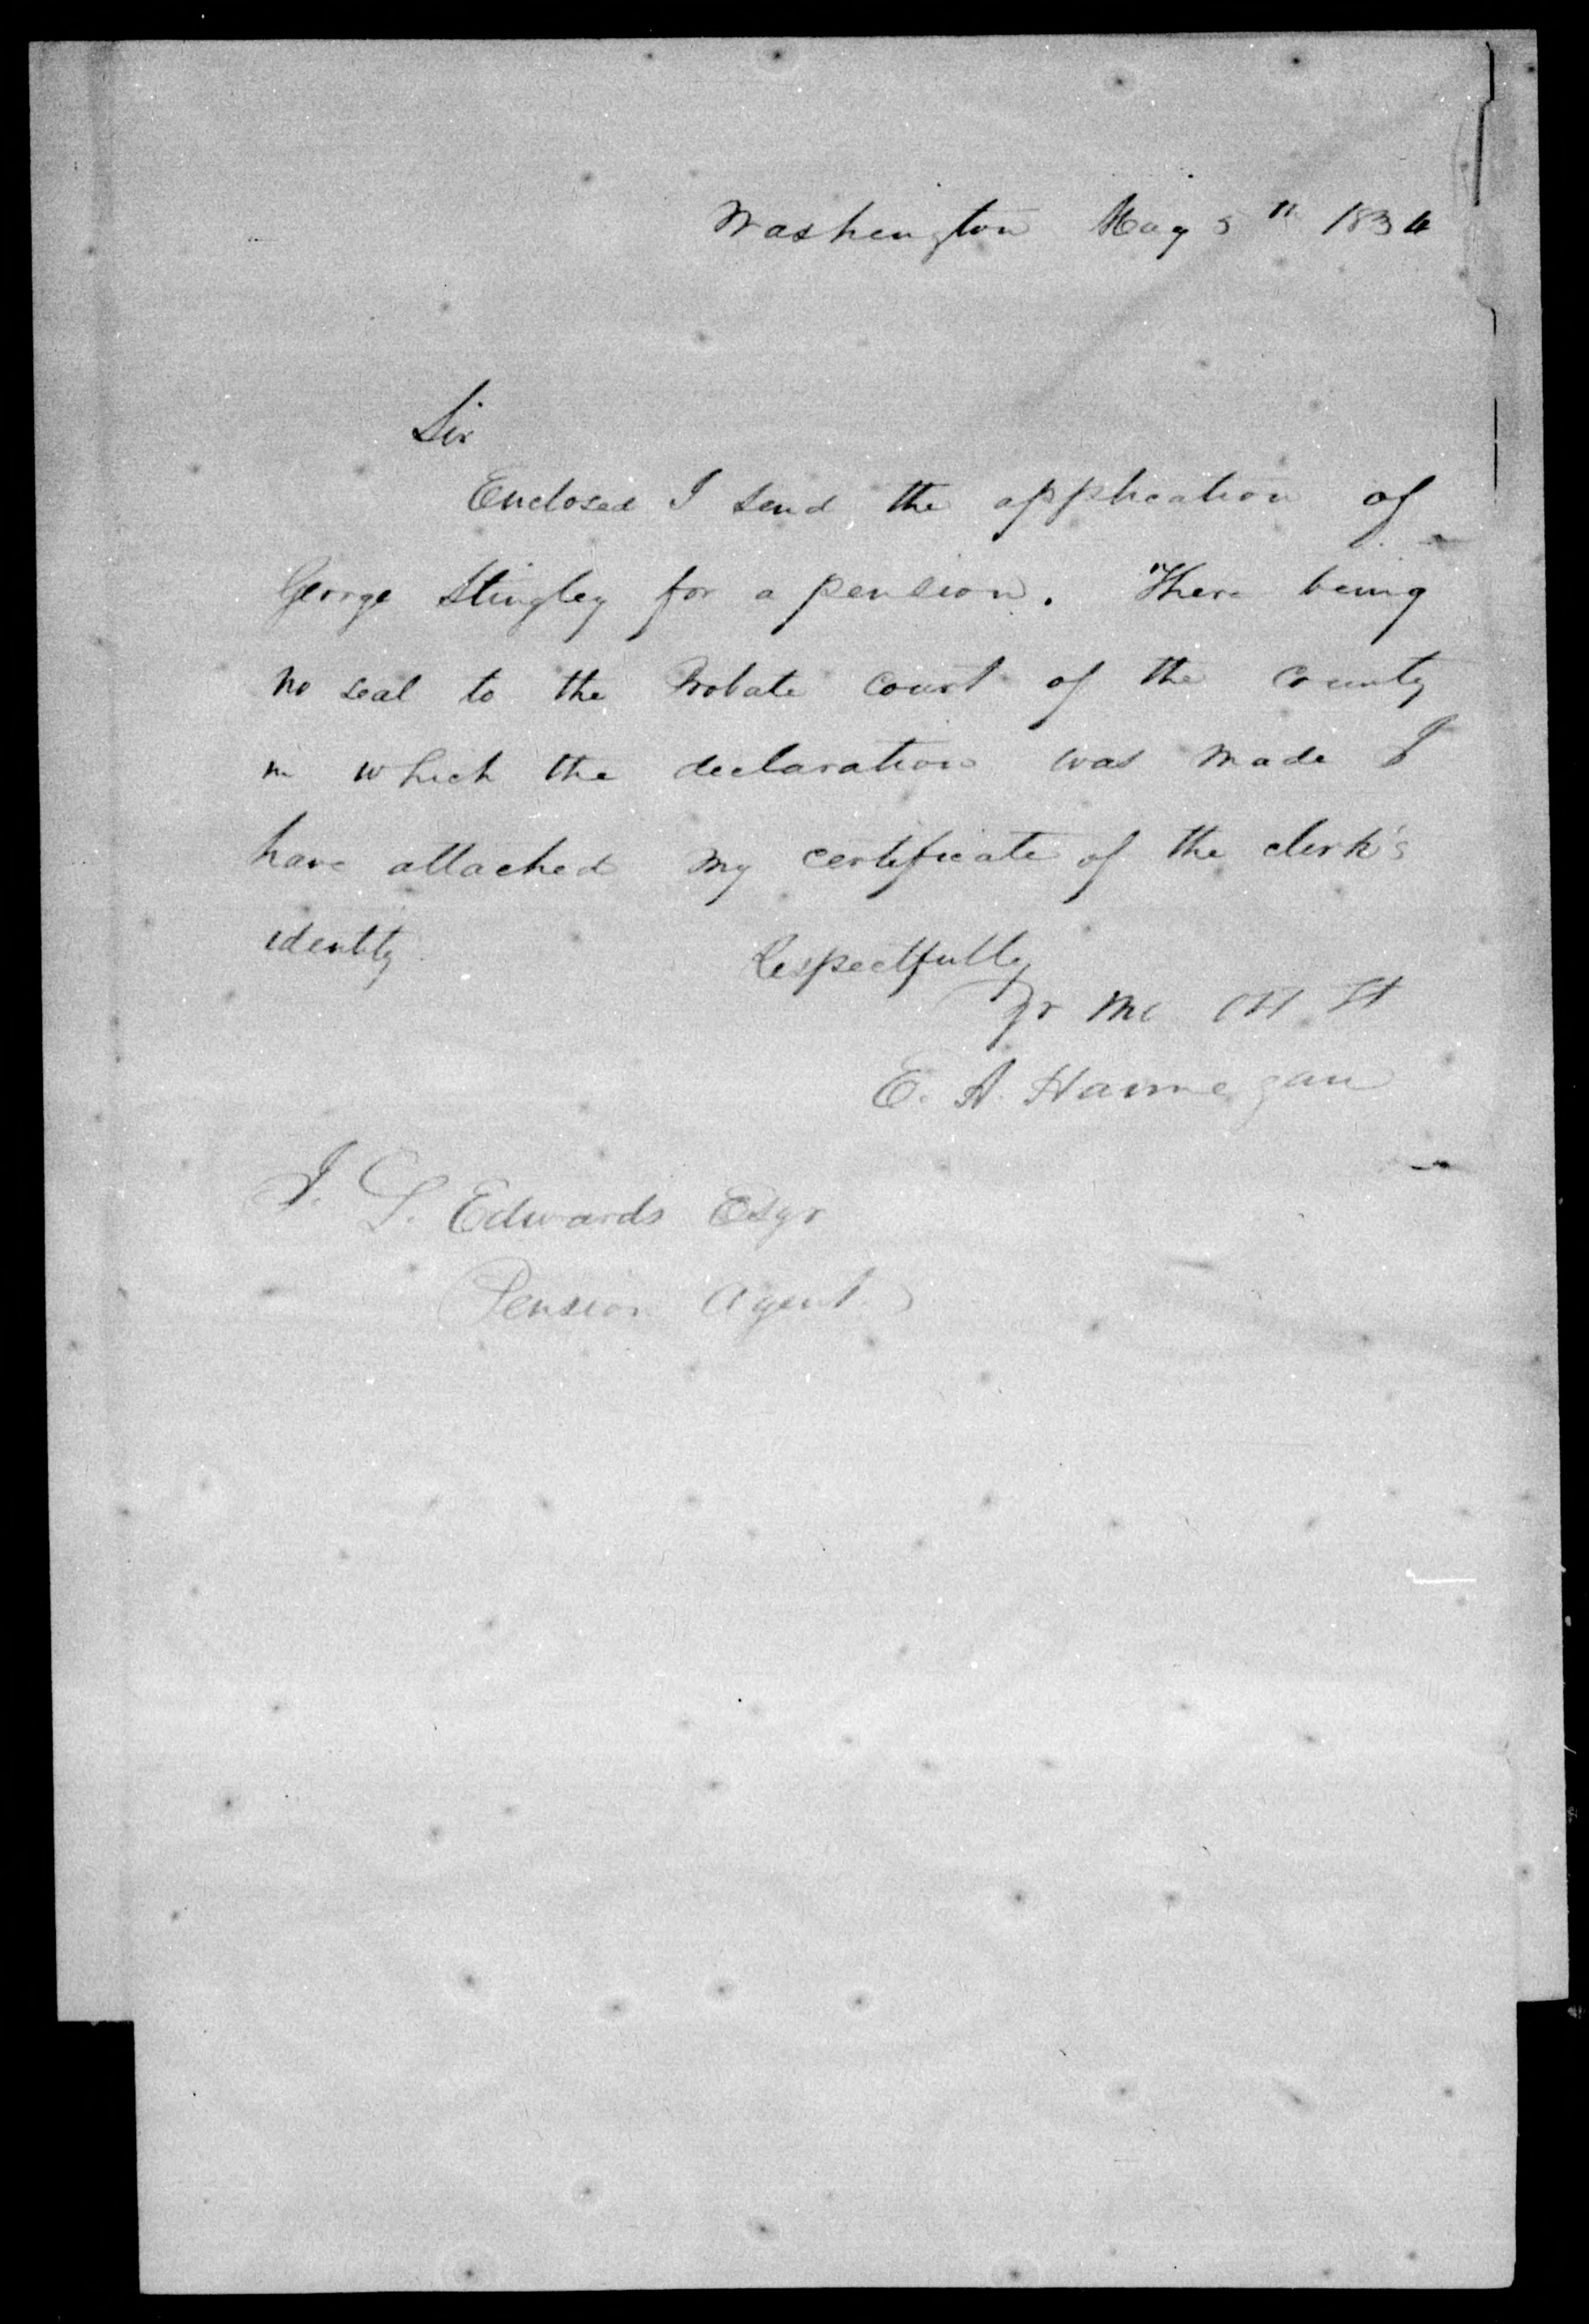Washington May 5th 1836

Sir
     Enclosed I send the application of George Stingley for a pension. There being no seal to the Probate Court of the county in which the declaration was made I have attached my certificate of the clerk's identity
Respectfully
[Illegible signature]
E. A. Hammegan
I. L. Edwards Esqr
Pension Agent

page: 12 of 12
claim: survivor's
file: S. 32543, for George Stingley, Virginia